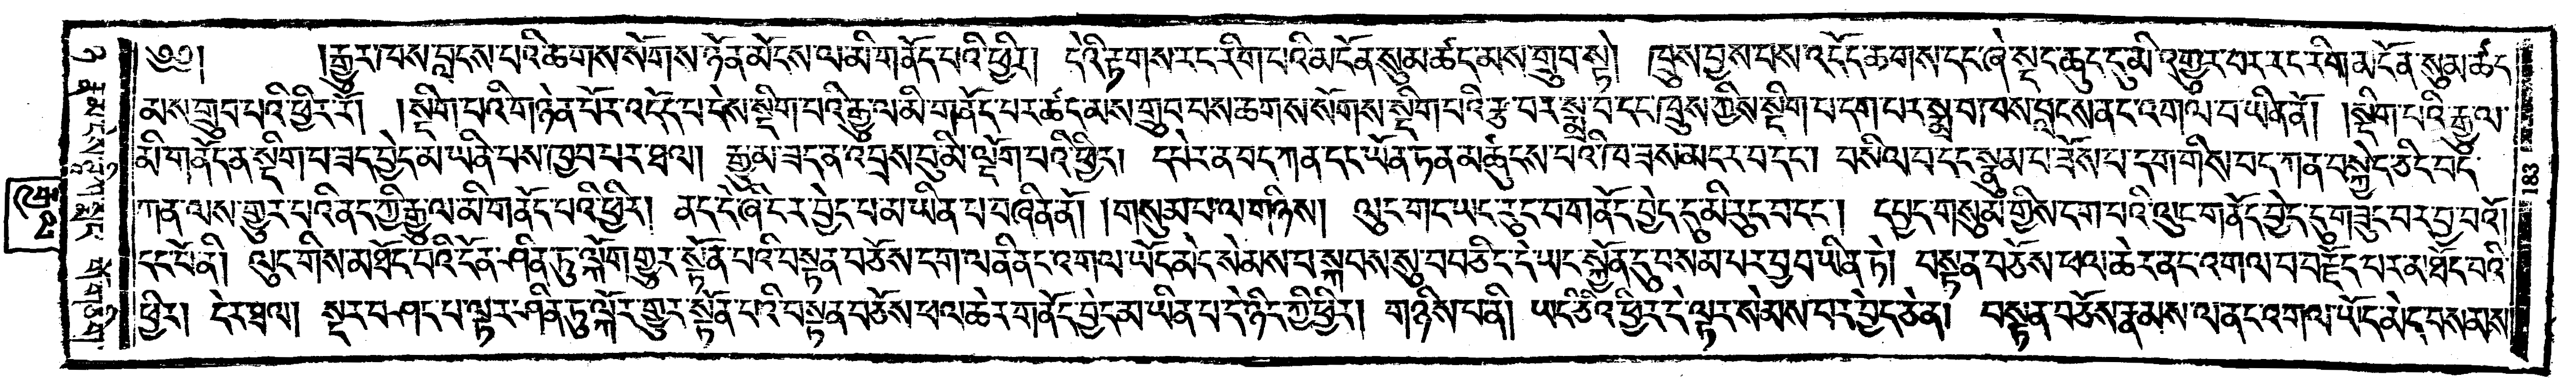༄༅། །རྒྱུར་ཁས་བླངས་པའི་ཆགས་སོགས་ཉོན་མོངས་ལ་མི་གནོད་པའི་ཕྱིར། དེའི་རྟགས་རང་རིག་པའི་མངོན་སུམ་ཚད་མས་གྲུབ་སྟེ། ཁྲུས་བྱས་པས་འདོད་ཆགས་དང་ཞེ་སྡང་ཆུང་དུ་མི་འགྱུར་བར་རང་རིག་མངོན་སུམ་ཚད་
མས་གྲུབ་པའི་ཕྱིར་རོ། །སྡིག་པའི་གཉེན་པོར་འདོད་པ་དེས་སྡིག་པའི་རྒྱུ་ལ་མི་གནོད་པར་ཚད་མས་གྲུབ་པས་ཆགས་སོགས་སྡིག་པའི་རྩ་བར་སྨྲ་བ་དང་ཁྲུས་ཀྱིས་སྡིག་པ་དག་པར་སྨྲ་བ་ཁས་བླངས་ནང་འགལ་བ་ཡིན་ནོ། །སྡིག་པའི་རྒྱུ་ལ་
མི་གནོད་ན་སྡིག་པ་ཟད་བྱེད་མ་ཡིན་པས་ཁྱབ་པར་ཐལ། རྒྱུ་མ་ཟད་ན་འབྲས་བུ་མི་ལྡོག་པའི་ཕྱིར། དཔེར་ན་བད་ཀན་དང་ཡོན་ཏན་མཚུངས་པའི་ཁ་ཟས་མངར་བ་དང་། བསིལ་བ་དང་སྣུམ་པ་ཟོས་པ་དག་གིས་བད་ཀན་བསྐྱེད་ཅིང་བད་
ཀན་ལས་གྱུར་པའི་ནད་ཀྱི་རྒྱུ་ལ་མི་གནོད་པའི་ཕྱིར། ནད་དེ་ཞི་བར་བྱེད་པ་མ་ཡིན་པ་བཞིན་ནོ། །གསུམ་པ་ལ་གཉིས། ལུང་གང་ཡང་རུང་བ་གནོད་བྱེད་དུ་མི་རུང་བ་དང་། དཔྱད་གསུམ་གྱིས་དག་པའི་ལུང་གནོད་བྱེད་དུ་གཟུང་བར་བྱ་བའོ།
དང་པོ་ནི། ལུང་གིས་མཐོང་བའི་དོན་ཤིན་ཏུ་ལྐོག་གྱུར་སྟོན་པའི་བསྟན་བཅོས་དག་ལ་ནི་ནང་འགལ་ཡོད་མེད་སེམས་བ་སྐབས་སུ་བབ་ཅིང་དེ་ཡང་སྐྱོན་དུ་བསམ་པར་བྱ་བ་ཡིན་ཏེ། བསྟན་བཅོས་ཕལ་ཆེར་ནང་འགལ་བ་བརྗོད་པར་མཐོང་བའི་
ཕྱིར། དེར་ཐལ། སྔར་བཤད་པ་ལྟར་ཤིན་ཏུ་ལྐོག་གྱུར་སྟོན་པའི་བསྟན་བཅོས་ཕལ་ཆེར་གནོད་བྱེད་མ་ཡིན་པ་དེ་ཉིད་ཀྱི་ཕྱིར། གཉིས་པ་ནི། ཡང་ཅིའི་ཕྱིར་དེ་ལྟར་སེམས་པར་བྱེད་ཅེ་ན། བསྟན་བཅོས་རྣམས་ལ་ནང་འགལ་ཡོད་མེད་བསམས་